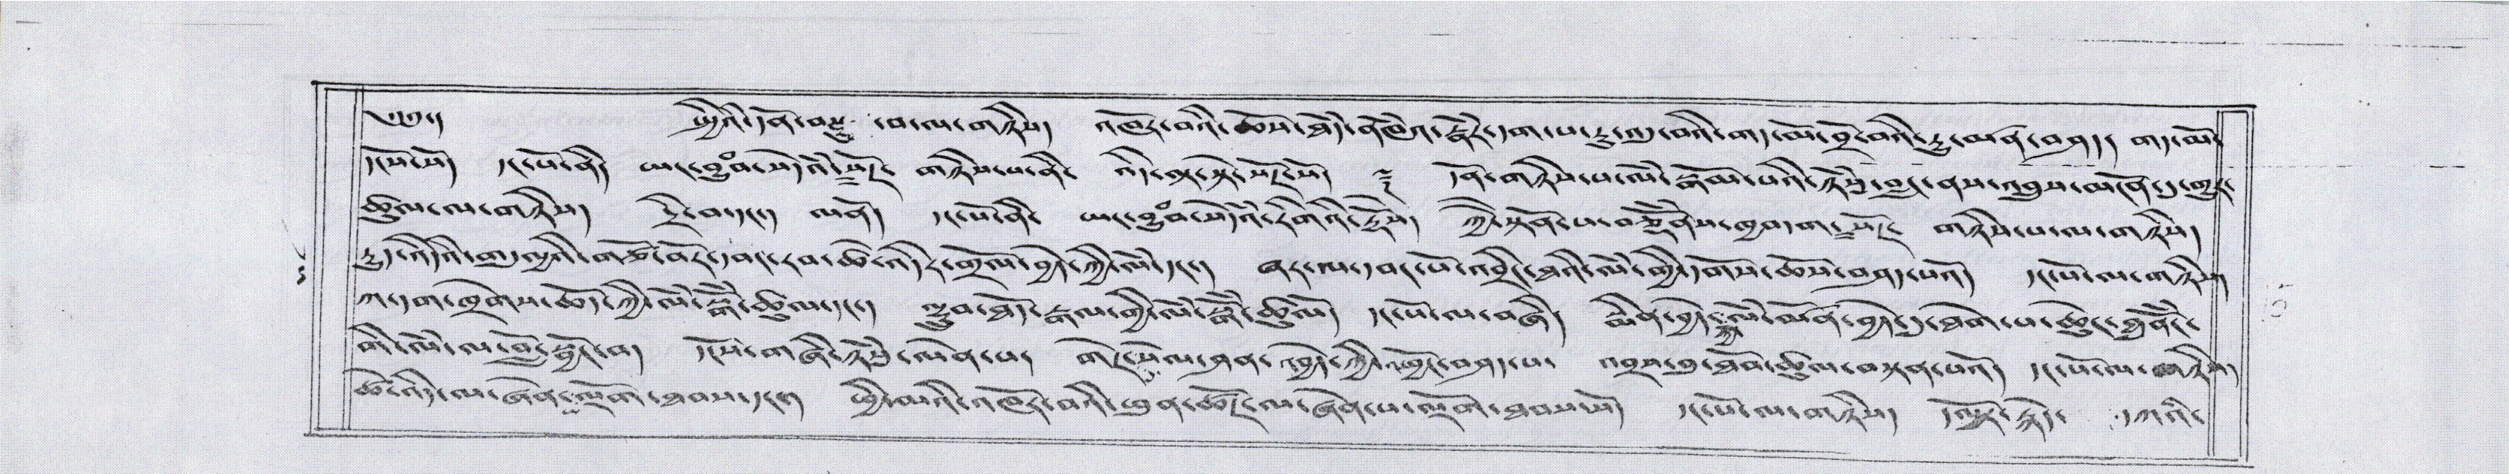སྤྱིའི་དོན་བསྡུ་བ་ལ་གཉིས། འཁོར་བའི་ཆོས་ཐམས་ཅད་ནམ་མཁའ་རྣམ་པར་དག་པ་རུ་འདུ་བའི་གད་མོ་བྲོ་བའི་རྒྱུ་མཚན་བཤད། གད་མོ་
དངོས་སོ། དང་པོ་ནི། ཡང་བྱང་ཆུབ་སེམས་དཔའ་འམ་སོགས། གཉིས་པ་ནི། འདི་ལྟ་སྟེ་སོགས་སོ། ༑ དོན་གཉིས་པ་ལ་སྒོམ་པའི་ཉམས་སུ་བླང་ནས་འབྲས་བུ་མངོན་དུ་གྱུར་
ཚུལ་ལ་གཉིས། དྲི་བ་དང། ལན་ནོ། དང་པོ་ནི། ཡང་བྱང་ཆུབ་སེམས་དཔའ་འམ་རིག་པའི་རྡོ་རྗེས། ཀྱཻ་སྟོན་པ་བཅོམ་ལྡན་འདས་ཁྱབ་བདག་སོགས། གཉིས་པ་ལ་གཉིས། 
རྒྱུད་འདིའི་གདུལ་བྱའི་གཙོ་བོར་དབང་རབ་ཚེ་འདིར་གྲོལ་བྱེད་ཀྱི་ལམ་དང། ཞར་ལ་དབང་པོ་འབྲིང་ཐའི་ལམ་གྱི་དགོས་ཆོས་བཤད་པའོ། དང་པོ་ལ་གཉིས། 
ཀ་དག་ཁྲེགས་ཆོད་ཀྱི་ལམ་སྒོམ་ཚུལ་དང། ལྷུན་གྲུབ་ཐོད་རྒལ་གྱི་ལམ་སྒོམ་ཚུལ་ལོ། དང་པོ་ལ་བཞི། སྨིན་བྱེད་ཀྱི་ལམ་མཚོན་བྱེད་དུ་ཐེག་པ་ཆེ་ཆུང་ཐུན་མོང་
གི་ལམ་ལ་བློ་སྦྱོང་བ། དངོས་གཞི་ཉམས་སུ་ལེན་པ། གེགས་སེལལ་ཤན་འབྱེད་ཀྱི་འཕྱོང་བཤད་པ། འབྲས་བུ་ཐོབ་ཚུལ་བསྟན་པའོ། དང་པོ་ལ་གཉིས། 
ཚེ་འདི་ལ་ཞེན་པ་ལྡོག་ཐབས་དང། ཕྱི་མའི་འཁོར་བའི་ཕུན་ཚོགས་ལ་ཞེན་པ་ལྡོག་ཐབས་སོ། དང་པོ་ལ་གཉིས། དལ་འབྱོར་རྙེད་དཀའི་